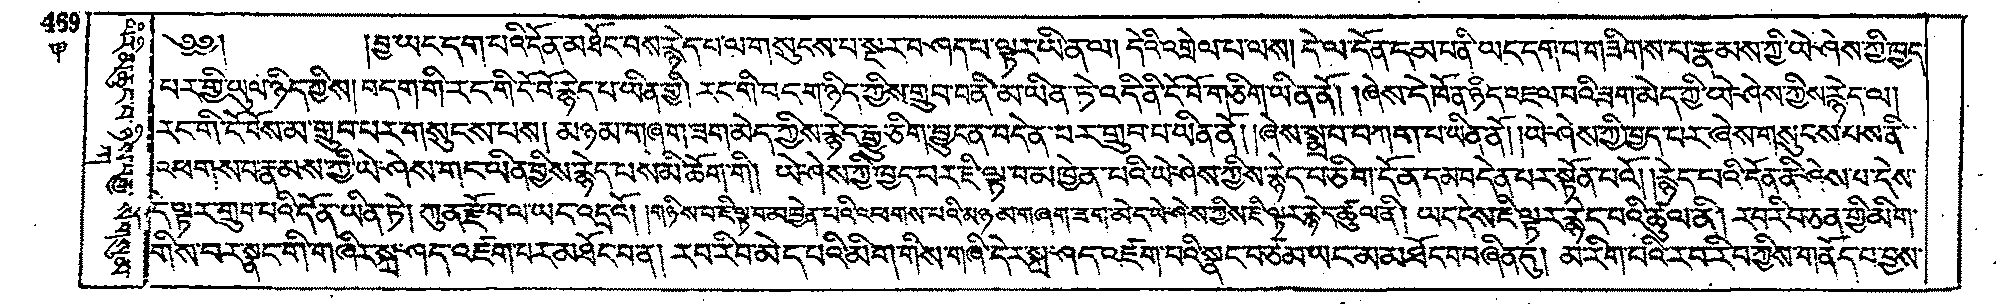༄༅། །བྱ་ཡང་དག་པའི་དོན་མཐོང་བས་རྙེད་པ་ལ་གསུངས་པ་སྔར་བཤད་པ་ལྟར་ཡིན་ལ། དེའི་འགྲེལ་པ་ལས། དེ་ལ་དོན་དམ་པ་ནི་ཡང་དག་པ་གཟིགས་པ་རྣམས་ཀྱི་ཡེ་ཤེས་ཀྱི་ཁྱད་
པར་གྱི་ཡུལ་ཉིད་ཀྱིས། བདག་གི་རང་གི་ངོ་བོ་རྙེད་པ་ཡིན་གྱི། རང་གི་བདག་ཉིད་ཀྱིས་གྲུབ་པ་ནི་མ་ཡིན་ཏེ་འདི་ནི་ངོ་བོ་གཅིག་ཡིན་ནོ། །ཞེས་དེ་ཁོ་ན་ཉིད་འཇལ་བའི་ཟག་མེད་ཀྱི་ཡེ་ཤེས་ཀྱིས་རྙེད་ལ།
རང་གི་ངོ་བོས་མ་གྲུབ་པར་གསུངས་པས། མཉམ་གཞག་ཟག་མེད་ཀྱིས་རྙེད་རྒྱུ་ཅིག་བྱུང་ན་བདེན་པར་གྲུབ་པ་ཡིན་ནོ། །ཞེས་སྨྲ་བ་བཀག་པ་ཡིན་ནོ། །ཡེ་ཤེས་ཀྱི་ཁྱད་པར་ཞེས་གསུངས་པས་ནི་
འཕགས་པ་རྣམས་ཀྱི་ཡེ་ཤེས་གང་ཡིན་གྱིས་རྙེད་པས་མི་ཆོག་གི། ཡེ་ཤེས་ཀྱི་ཁྱད་པར་ཇི་ལྟ་བ་མཁྱེན་པའི་ཡེ་ཤེས་ཀྱིས་རྙེད་པ་ཅིག་དོན་དམ་བདེན་པར་སྟོན་པའོ། །རྙེད་པའི་དོན་ནི་ཤེས་པ་དེས་
དེ་ལྟར་གྲུབ་པའི་དོན་ཡིན་ཏེ། ཀུན་རྫོབ་ལ་ཡང་འདྲའོ། །གཉིས་པ་ཇི་ལྟ་བ་མཁྱེན་པའི་འཕགས་པའི་མཉམ་གཞག་ཟག་མེད་ཡེ་ཤེས་ཀྱིས་ཇི་ལྟར་རྙེད་ཚུལ་ནི།  ཡང་དེས་ཇི་ལྟར་རྙེད་པའི་ཚུལ་ནི། རབ་རིབ་ཅན་གྱི་མིག་
གིས་བར་སྣང་གི་གཞིར་སྐྲ་ཤད་འཛག་པར་མཐོང་བ་ན། རབ་རིབ་མེད་པའི་མིག་གིས་གཞི་དེར་སྐྲ་ཤད་འཛག་པའི་སྣང་བ་ཙམ་ཡང་མ་མཐོང་བ་བཞིན་དུ། མ་རིག་པའི་རབ་རིབ་ཀྱིས་གནོད་པ་བྱས་